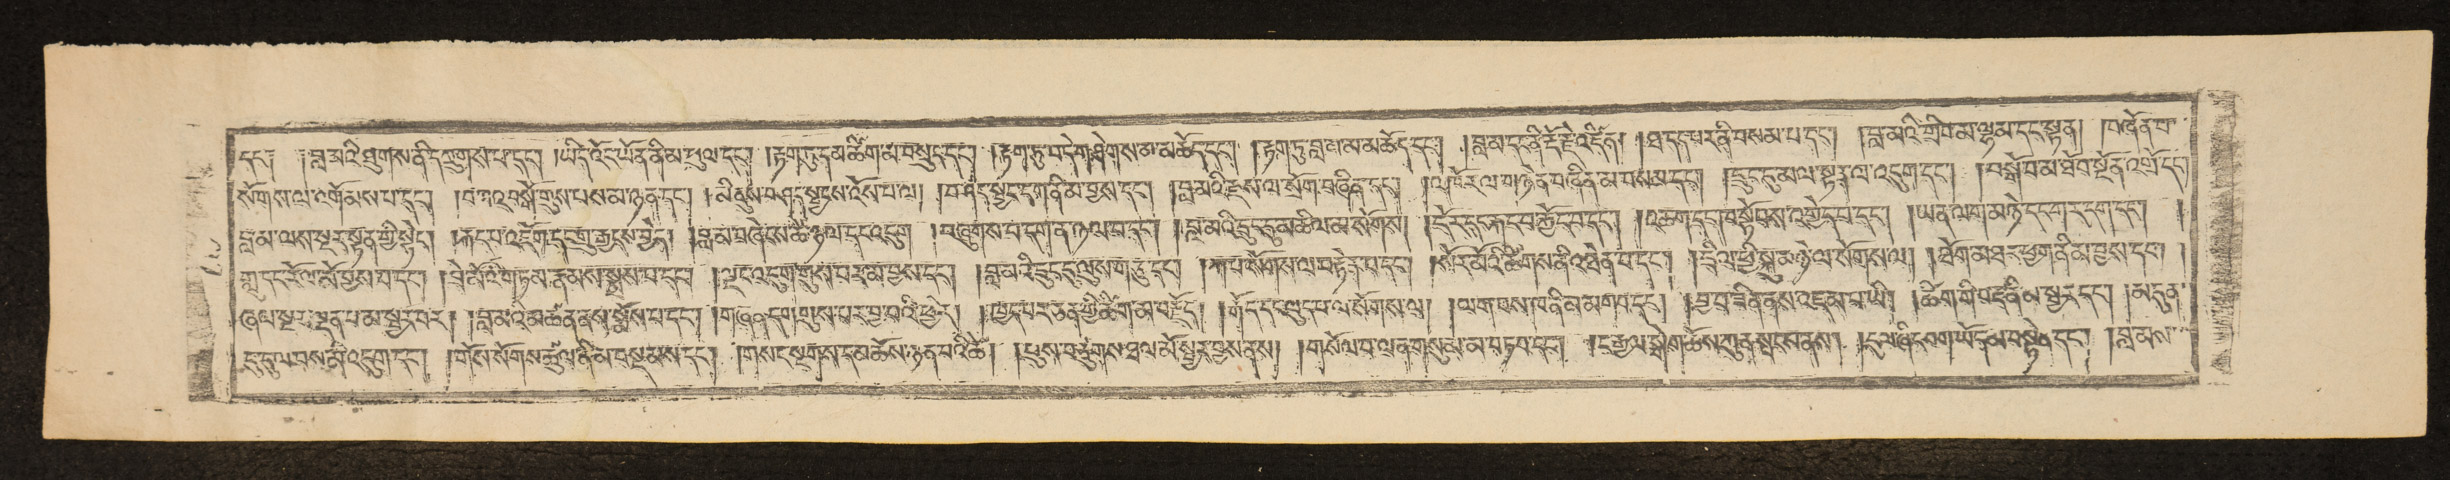དང༑ ༑བླ་མའི་ཐུགས་ནི་དཀྲུགས་པ་དང་། །ཡིད་འོང་ཡོན་ནི་མ་ཕུལ་དང་། །རྟག་དུ་དམ་ཚིག་མ་བསྲུང་དང་། །རྟག་ཏུ་བདེ་གཤེགས་མ་མཆོད་དང་། །རྟག་ཏུ་བླ་མ་མཆོད་དང་། །བླ་མ་དང་ནི་རྡོ་རྗེའི་འཛིན། །ཐ་དད་པར་ནི་བསམ་པ་དང།། བླ་མའི་གྲིབ་མ་ལྷ་མ་དང་སྟན། །བཞིན་པ་
སོགས་ལ་འགོམས་པ་དང་། །བཀའ་བསྒོ་གུས་པས་མ་ཉན་དང་། །མི་ནུས་བཤད་སྦྱངས་འོས་པ་ལ། །བཤད་སྦྱང་དག་ནི་མ་བྱས་དང་། །བླ་མའི་རྫས་ལ་སྲོག་བཞིན་དང་། །འཁོར་ལོ་གཉེན་བཞིན་མ་བསམ་དང་། །དྲུང་དུ་མལ་སྟན་ལ་འདུག་དང་། །བསྒོ་བ་མ་ཐོབ་སྔོན་འགྲོ་དང་།
བླ་མ་ལས་སྔར་སྟན་གྱི་སྟེང་། །རྐང་པ་འཇོག་དང་གྲུ་རྒྱངས་བྱེད། །བླ་མ་བཞེངས་ཚེ་ཉལ་དང་འདུག །བཞུགས་པ་དག་ན་ཉལ་བ་དང་། །བླ་མའི་དྲུང་དུ་མཚལ་མ་སོགས། །དོར་དང་རྐང་པ་རྐྱོང་པ་དང་། །འཆག་དང་ཁ་སྟོབས་འགྱེད་པ་དང་། །ཡན་ལག་མ་ཉེ་དང་གར་དག་དང་། །
གླུ་དང་རོལ་མོ་བྱས་པ་དང་། །ཐེ་མོའི་གཏམ་རྣམས་སྨྲས་པ་དང་། །ལྔ་འདུག་གུས་པར་མ་བྱས་དང་། །བླ་མའི་དྲུང་དུ་ལུས་གཅུ་དང་། །ཀ་བ་སོགས་ལ་བརྟེན་པ་དང་། །སོར་མོའི་ཚོགས་ནི་འཐེན་པ་དང་། །དྲིལ་ཕྱི་སྐུ་མཉེ་ལ་སོགས་ལ། །ཐོག་མར་ཕྱག་ནི་མ་བྱས་དང་། །
ཞལ་སྔར་ལྡན་པ་མ་སྦྱར་བར། །བླ་མའི་མཚན་ནས་སྨོས་པ་དང་། །གཞན་དག་གུས་པར་བྱ་བའི་ཕྱིར། །ཁྱད་པར་ཅན་གྱི་ཚིག་མ་བརྗོད། །རྒོད་དང་ལུད་པ་ལ་སོགས་པ། །ལག་པས་ཁ་ནི་མ་མག་བ་དང་། །བྱ་བ་ཟིན་ནས་འཇམ་པ་ཡི། །ཚིག་གི་བརྡ་ནི་མ་སྦྱར་དང་། །མདུན་
དུ་དུལ་བས་མི་འདུག་དང་། །གོས་སོགས་ཚུལ་ནི་མ་བསྡམས་དང་། །གསང་སྔགས་དམ་ཆོས་ཉན་པའི་ཚེ། །པུས་བཙུགས་ཐལ་མོ་སྦྱར་བྱས་ནས། །གསོལ་བ་ལན་གསུམ་མ་བཏབ་དང་། །ང་རྒྱལ་སྒེག་ཆོས་ཀུན་སྤངས་ནས། །དུལ་ཞིང་བག་ཡོད་མ་བསྟེན་དང་། །བླ་མས་